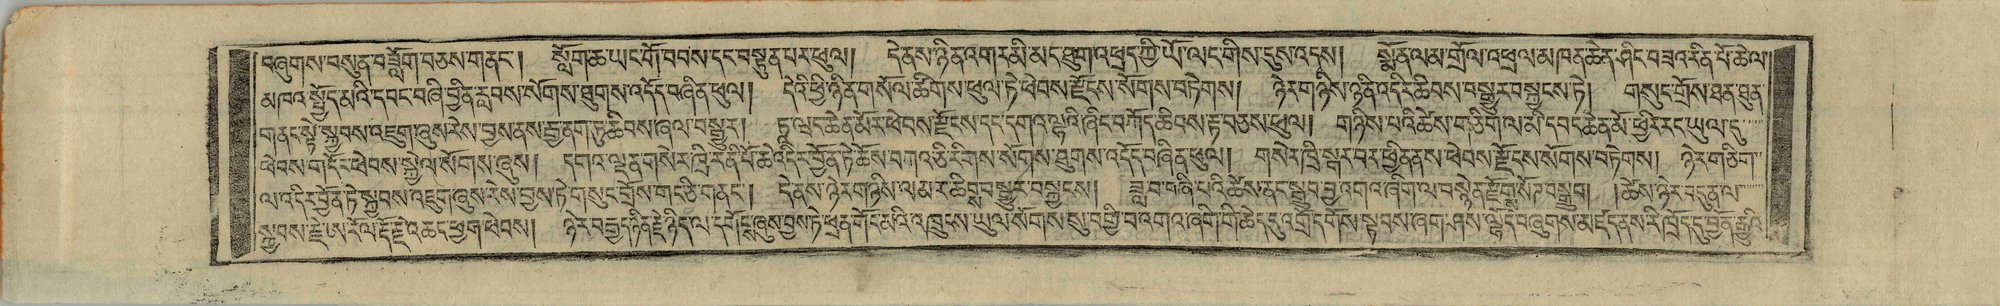བཞུགས་བསུན་བཟློག་བཅས་གནང་། སློག་ཆ་ཡང་གོ་བབས་དང་བསྟུན་པར་ཕུལ། དེ་ནས་ཉིན་འགར་མི་མང་ཐུག་འཕྲད་ཀྱི་ཡོ་ལང་གིས་དུས་འདས། སྨོན་ལམ་གྲོལ་འཕྲལ་མཁན་ཆེན་ཤིང་བཟའ་རིན་པོ་ཆེ་ལ་
མཁའ་སྤྱོད་མའི་དབང་བཞི་བྱིན་རླབས་སོགས་ཐུགས་འདོད་བཞིན་ཕུལ། དེའི་ཕྱི་ཉིན་གསོལ་ཚིགས་ཕུལ་ཏེ་ཕེབས་རྫོངས་སོགས་བཏེགས། ཉེར་གཉིས་ཉིན་འདིར་ཆིབས་བསྒྱུར་བསྐྱངས་ཏེ། གསུང་གྲོས་ཐན་ཐུན་
གནང་སྟེ་སྐྱབས་འཇུག་ཞུས་རེས་བྱས་ནས་རྒྱ་ནག་ཏུ་ཆིབས་ཞལ་བསྒྱུར། ཏཱ་ཝང་ཆེན་མོར་ཕེབས་རྫོངས་དང་དགའ་ལྷའི་ཞིང་བཀོད་ཆིབས་རྟ་བཅས་ཕུལ། གཉིས་པའི་ཚེས་གཅིག་ལ་མི་དབང་ཆེན་མོ་ཕྱིར་རང་ཡུལ་དུ་
ཕེབས་གདོང་ཕེབས་སྐྱེལ་སོགས་ཞུས། དགའ་ལྡན་གསེར་ཁྲི་རིན་པོ་ཆེ་འདིར་བྱོན་ཏེ་ཆོས་བཀའ་ཅི་རིགས་སོགས་ཐུགས་འདོད་བཞིན་ཕུལ། གསེར་ཁྲི་སྒར་བར་ཕྱིན་ནས་ཕེབས་རྫོངས་སོགས་བཏེགས། ཉེར་གཅིག་
ལ་འདིར་བྱོན་ཏེ་སྐྱབས་འཇུག་ཞུས་རེས་བྱས་ཏེ་གསུང་གྲོས་གང་ཅི་གནང་། དེ་ནས་ཉེར་གཉིས་ལ་མར་ཆིབས་བསྒྱུར་བསྐྱངས། ཟླ་བ་བཞི་པའི་ཚེས་ནང་སྒྲུབ་བྱ་འགའ་ཞིག་ལ་བསྙེན་རྫོགས་སོགས་བསྒྲུབ། །ཚེས་ཉེར་བདུན་ལ་
སྐྱབས་རྗེ་ཨ་རོལ་རྡོ་རྗེ་འཆང་ཕྱག་ཕེབས། ཉེར་བརྒྱད་ཉིན་རྗེ་ཉིད་ལ་དགོངས་ཞུས་བྱས་ཏེ་ཕྲན་གོང་མའི་འཁྲུངས་ཡུལ་སོགས་སུ་བགྱི་བ་འགའ་ཞིག་གི་ཆེད་དུ་འགྲོ་དགོས་སྟབས་ཞག་ཤས་ལྷོད་བཞུགས་མཛད་ནས་རི་ཁྲོད་དུ་བྱོན་རྒྱུའི་